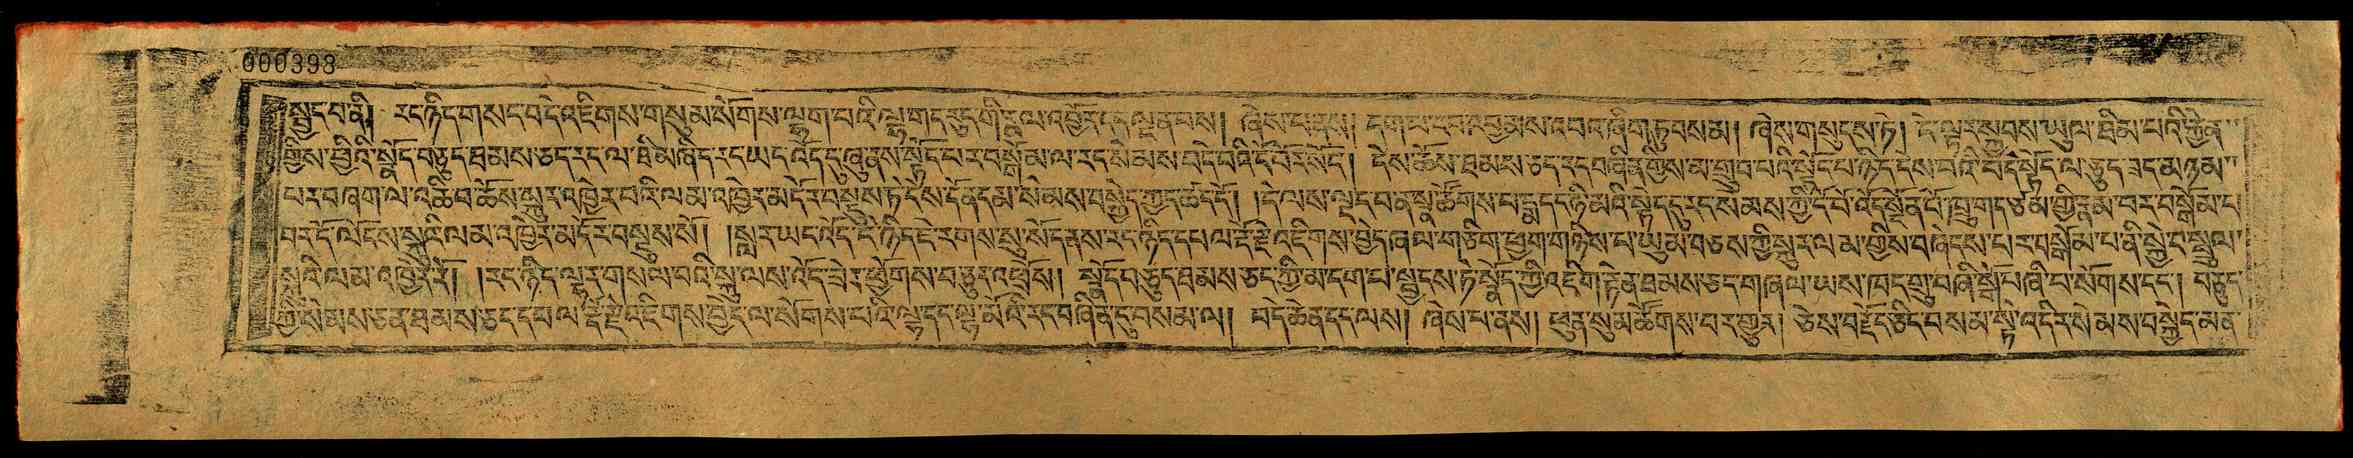སྦྱང་བ་ནི། རང་ཉིད་གསང་བདེ་འཇིགས་གསུམ་སོགས་ལྷག་པའི་ལྷ་གང་རུང་གི་རྣལ་འབྱོར་དང་ལྡན་པས། ཞེས་པ་ནས། དག་པ་རབ་འབྱམས་འབའ་ཞིག་ཏུ་བསམ། ཞེས་གསུངས་ཏེ། དེ་ལྟར་སྐྱབས་ཡུལ་ཐིམ་པའི་རྐྱེན་
གྱིས་ཕྱིའི་སྣོད་བཅུད་ཐམས་ཅད་རང་ལ་ཐིམ་ཞིང་རང་ཡང་འོད་དུ་ཞུ་ནས་སྟོང་པར་བསྒོམ་ལ་རང་སེམས་བདེ་བའི་ངོ་བོར་སོང་། དེས་ཆོས་ཐམས་ཅད་རང་བཞིན་གྱིས་མ་གྲུབ་པའི་སྟོང་པ་ཉིད་ངེས་པའི་བདེ་སྟོང་ལ་ཅུང་ཟད་མཉམ་
པར་བཞག་ལ་འཆི་བ་ཆོས་སྐུར་འཁྱེར་བའི་ལམ་འཁྱེར་མདོར་བསྡུས་ཏེ་དེས་དོན་དམ་སེམས་བསྐྱེད་ཀྱང་ཚང་ངོ། །དེ་ལས་ལྡང་བ་ན་སྣ་ཚོགས་པདམ་དང་ཉི་མའི་སྟེང་དུ་རང་སེམས་ཀྱི་ངོ་བོ་འོད་སྔོན་པོ་ཁྲུ་གང་ཙམ་གྱི་རྣམ་པར་བསྒོམ་པ་
བར་དོ་ལོངས་སྐུའི་ལམ་འཁྱེར་མདོར་བསྡུས་སོ། །སླར་ཡང་འོད་དེ་ཉིད་ཇེ་རགས་སུ་སོང་ནས་རང་ཉིད་དཔལ་རྡོ་རྗེ་འཇིགས་བྱེད་ཞལ་གཅིག་ཕྱག་གཉིས་པ་ཡུམ་བཅས་ཀྱི་སྐུར་ལམ་གྱིས་བཞེངས་པར་བསྒོམ་པ་ནི་སྐྱེ་བ་སྤྲུལ་
སྐུའི་ལམ་འཁྱེར་རོ། །རང་ཉིད་ལྷར་གསལ་བའི་སྐུ་ལས་འོད་ཟེར་ཕྱོགས་བཅུར་འཕྲོས། སྣོད་བཅུད་ཐམས་ཅད་ཀྱི་མ་དག་པ་སྦྱངས་ཏེ་སྣོད་ཀྱི་འཇིག་རྟེན་ཐམས་ཅད་གཞལ་ཡེས་ཁང་གྲུ་བཞི་སྒོ་བཞི་པ་སོགས་དང་། བཅུད་
ཀྱི་སེམས་ཅན་ཐམས་ཅད་དཔལ་རྡོ་རྗེ་འཇིགས་བྱེད་ལ་སོགས་པའི་ལྷ་དང་ལྷ་མོའི་རང་བཞིན་དུ་བསམ་ལ། བདེ་ཆེན་ངང་ལས། ཞེས་པ་ནས། ཕུན་སུམ་ཚོགས་པར་གྱུར། ཅེས་བརྗོད་ཅིང་བསམ་སྟེ་འདིར་སེམས་བསྐྱེད་མན་